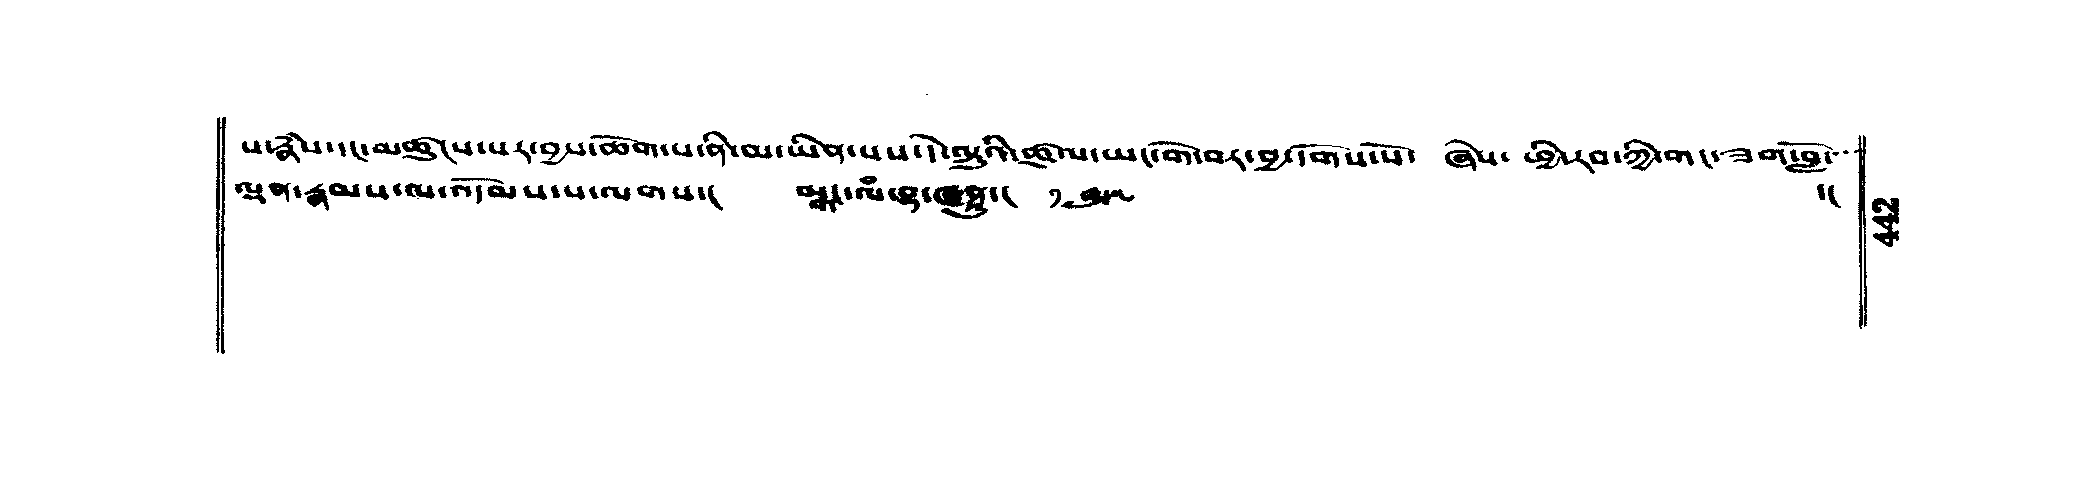རྣམས་དང་མཚུངས་པར་བྱས་ཆོག་པ་ནི་མ་ཡིན་པས་དེ་ལྟ་བུའི་ཚུལ་ཡང་གོ་བར་བྱ་དགོས་སོ། ཞེས་ཕྱི་རབས་ཀྱི་གང་ཟག་བློ་
ལྡན་རྣམས་ལ་འདོམས་པ་ལགས། མངྒ་ལཾ་བྷ་ཝནྟུ།